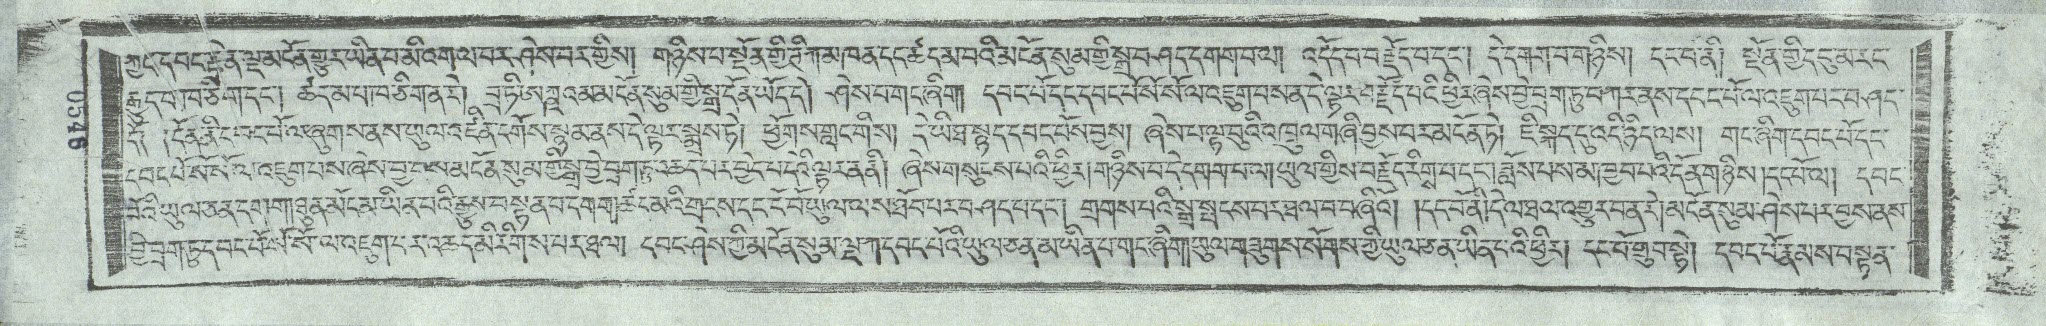ཀྱང་དབང་རྟེན་ལྔ་མངོན་གྱུར་ཡིན་པ་མི་འགལ་བར་ཤེས་པར་གྱིས། གཉིས་པ་སྔོན་གྱི་ཊིཀ་མཁན་དང་ཚད་མ་བའི་མངོན་སུམ་གྱི་སྒྲ་བཤད་དགག་པ་ལ། འདོད་པ་བརྗོད་པ་དང་། དེ་དགག་པ་གཉིས། དང་པོ་ནི། སྔོན་གྱི་དབུ་མ་རང་
རྒྱུད་པ་ཁ་ཅིག་དང་། ཚད་མ་པ་ཁ་ཅིག་ན་རེ། པྲ་ཏི་ཨཀྵཱམ་མངོན་སུམ་གྱི་སྒྲ་དོན་ཡོད་དེ། ཤེས་པ་གང་ཞིག། དབང་པོ་དང་དབང་པོ་སོ་སོ་ལ་འཇུག་པས་ན་དེ་ལྟར་བརྗོད་པའི་ཕྱིར་ཞེས་བྱེ་བྲག་ཏུ་བཀར་ནས་དབང་པོ་ལ་འཇུག་པར་བཤད་
དོ༑ ༑དོན་ནི་དབང་པོ་ལ་ཞུགས་ནས་ཡུལ་འཛིན་དགོས་སྙམ་ནས་དེ་ལྟར་སྨྲས་ཏེ། ཕྱོགས་གླང་གིས། དེ་ཡི་ཐ་སྙད་དབང་པོས་བྱས། ཞེས་པ་ལྟ་བུའི་འཁྲུལ་གཞི་བྱས་པར་མངོན་ཏེ། ཇི་སྐད་དུ་འདི་ཉིད་ལས། གང་ཞིག་དབང་པོ་དང་
དབང་པོ་སོ་སོ་ལ་འཇུག་པས་ཞེས་བྱ་བས་མངོན་སུམ་གྱི་སྒྲ་བྱེ་བྲག་ཏུ་འཆད་པར་བྱེད་པ་དེའི་ལྟར་ན་ནི། ཞེས་གསུངས་པའི་ཕྱིར། གཉིས་པ་དེ་དགག་པ་ལ། ཡུལ་གྱིས་བརྗོད་རིགས་པ་དང་། ཟློས་པས་མ་ཁྱབ་པའི་དོན་གཉིས་།དང་པོ་ལ། དབང་
བོའི་ཡུལ་ཅན་དགག །ཐུན་མོང་མ་ཡིན་པའི་རྒྱུས་བསྟན་པ་དགག །ཚད་མའི་གྲངས་དང་ངོ་བོ་ཡུལ་ལས་ཐོབ་པར་བཤད་པ་དང་། གྲགས་པའི་སྒྲ་སྤངས་པར་ཐལ་བ་བཞིའོ། །དང་པོ་ནི། དེ་ལ་ཐལ་འགྱུར་བ་ན་རེ། མངོན་སུམ་ཤེས་པར་བྱས་ནས་
བྱེ་བྲག་ཏུ་དབང་པོ་སོ་སོ་ལ་འཇུག་པར་འཆད་མི་རིགས་པར་ཐལ། དབང་ཤེས་ཀྱི་མངོན་སུམ་ལྔ་ཀ་དབང་པོའི་ཡུལ་ཅན་མ་ཡིན་པ་གང་ཞིག། ཡུལ་གཟུགས་སོགས་ཀྱི་ཡུལ་ཅན་ཡིན་པའི་ཕྱིར། དང་པོ་གྲུབ་སྟེ། དབང་པོ་རྣམས་བསྟན་